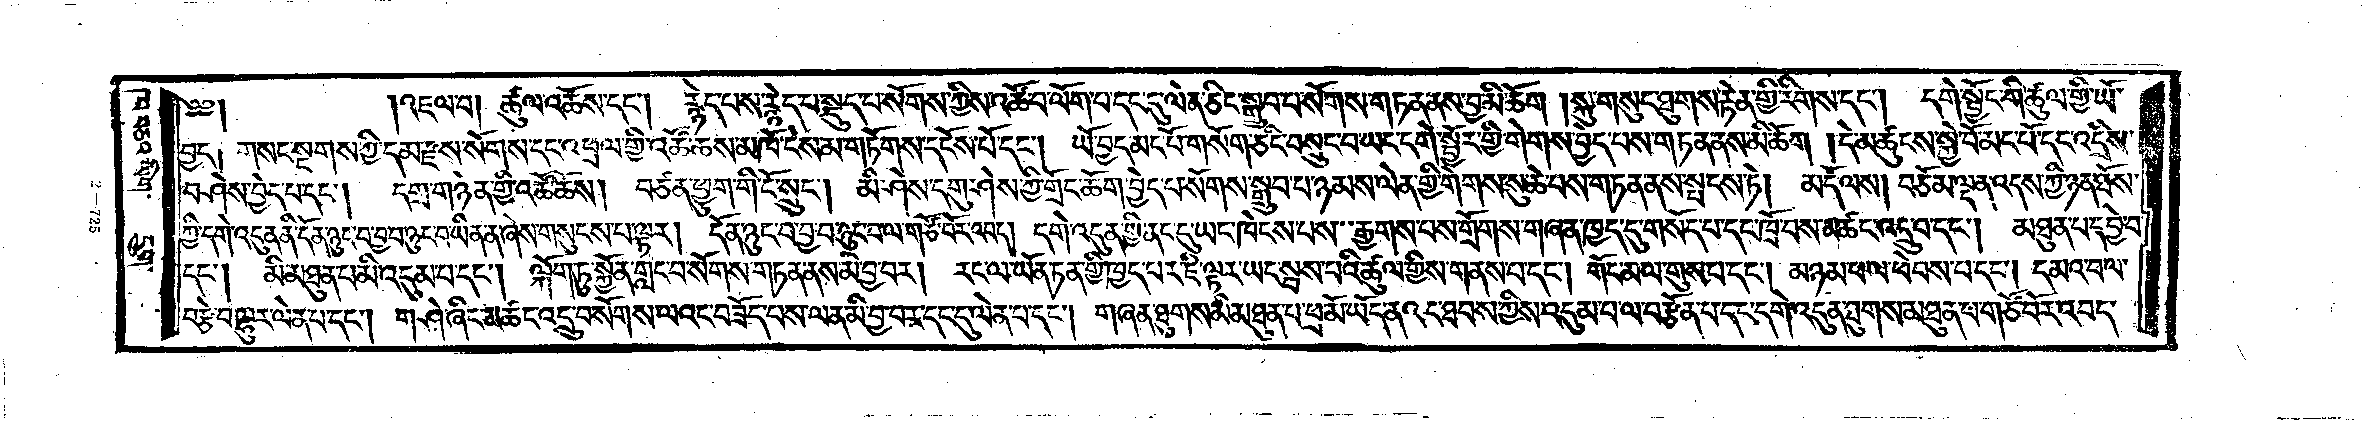༄༅། །འཇལ་བ། ཚུལ་འཆོས་དང་། རྙེད་པས་རྙེད་པ་སྡུད་པ་སོགས་ཀྱིས་འཚོ་བ་ལོག་པ་དང་དུ་ལེན་ཅིང་སྒྲུབ་བ་སོགས་གཏན་ནས་བྱ་མི་ཆོག །སྐུ་གསུང་ཐུགས་རྟེན་གྱི་རིགས་དང་། དགེ་སྦྱོང་གི་ཚུལ་གྱི་ཡོ་
བྱད། གསང་སྔགས་ཀྱི་དམ་རྫས་སོགས་དང་འཕྲལ་གྱི་འཚོ་ཆས་མཁོ་ངེས་མ་གཏོགས་དངོས་པོ་དང་། ཡོ་བྱད་མང་པོ་གསོག་ཅིང་བསྲུང་བ་ཡང་དགེ་སྦྱོར་གྱི་གེགས་བྱེད་པས་གཏན་ནས་མི་ཆོག །དེ་མཚུངས་སྐྱེ་བོ་མང་པོ་དང་འདྲིས་
བཤེས་བྱེད་པ་དང་། དགྲ་གཉེན་གྱི་འཚོ་ཆོས། བཙན་ཕྱུག་གི་ངོ་སྲུང་། མི་ཤེས་དགུ་ཤེས་ཀྱི་གྲོང་ཆོག་བྱེད་པ་སོགས་སྒྲུབ་པ་ཉམས་ལེན་གྱི་གེགས་སུ་ཆེ་བས་གཏན་ནས་སྤངས་ཏེ། མདོ་ལས། བཅོམ་ལྡན་འདས་ཀྱི་ཉན་ཐོས་
ཀྱི་དགེ་འདུན་ནི་དོན་ཉུང་བ་བྱ་བ་ཉུང་བ་ཡིན་ན་ཞེས་གསུངས་པ་ལྟར། དོན་ཉུང་བ་བྱ་བ་ཉུང་བ་ལ་གཙོ་བོར་འབད། དགེ་འདུན་གྱི་ནང་དུ་ཡང་ཁེངས་པས་རྒྱགས་པས་གྲོགས་གཞན་ཁྱད་དུ་གསོད་པ་དང་ཁྲོ་བས་མཚང་འདྲུ་བ་དང་། མཐུན་པ་དབྱེ་བ་
དང་། མི་མཐུན་པ་མི་འདུམ་པ་དང་། ལྐོག་ཏུ་སྐྱོན་གླང་བ་སོགས་གཏན་ནས་མི་བྱ་བར། རང་ལ་ཡོན་ཏན་གྱི་ཁྱད་པར་ཇི་ལྟར་ཡང་སྦས་པའི་ཚུལ་གྱིས་གནས་པ་དང་། གོང་མ་ལ་གུས་པ་དང་། མཉམ་པ་ལ་ཕེབས་པ་དང་། དམའ་བལ་
བརྩེ་བ་ལྷུར་ལེན་པ་དང་། གཤེ་ཟིང་མཚང་འདྲུ་བ་སོགས་ལའང་བཟོད་པས་ལན་མི་བྱ་བར་དང་དུ་ལེན་པ་དང་། གཞན་ཐུགས་མི་མཐུན་པ་ཕྲ་མོ་ཡོད་ནའང་ཐབས་ཀྱིས་འདུམ་པ་ལ་བརྩོན་པ་དང་དགེ་འདུན་ཐུགས་མཐུན་པ་གཙོ་བོར་འབད་